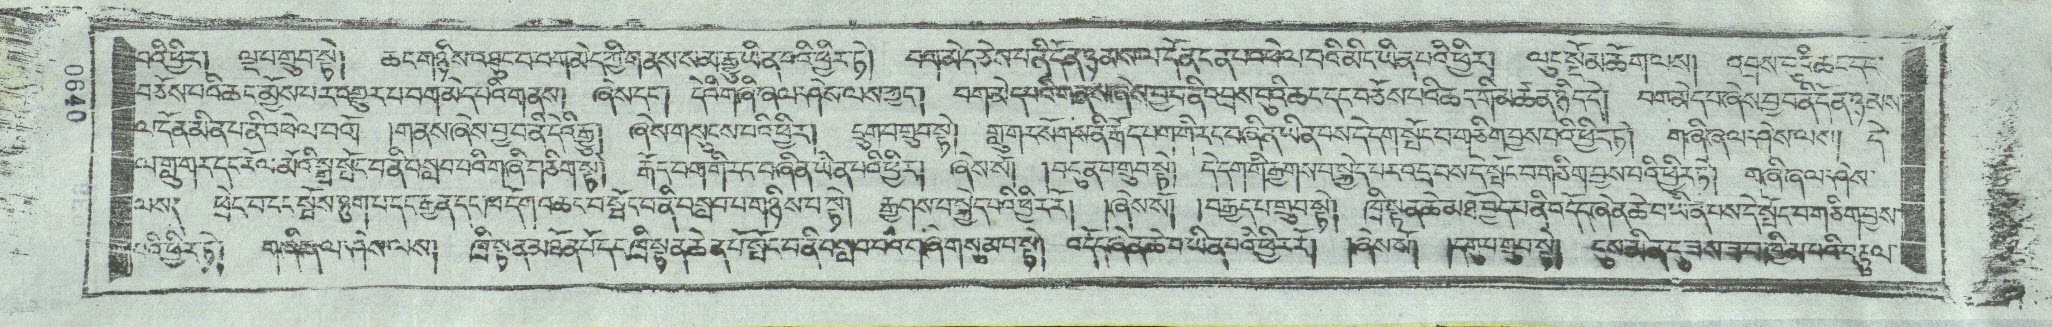པའི་ཕྱིར། ལྔ་པ་གྲུབ་སྟེ། ཆང་གཉིས་འཐུང་བ་བག་མེད་ཀྱི་གནས་སམ་རྒྱུ་ཡིན་པའི་ཕྱིར་ཏེ། བག་མེད་ཅེས་པ་ནི་དོན་ཉམས་ལ་དོན་ངན་པ་འཕེལ་བའི་མིང་ཡིན་པའི་ཕྱིར། ལུང་སྡོམ་ཆོག་ལས། འབྲས་བུའི་ཆང་དང་
བཅོས་པའི་ཆང་མྱོས་པར་འགྱུར་པ་བག་མེད་པའི་གནས། ཞེས་དང་། དེའི་གཞི་ཞལ་ཤེས་ལས་ཀྱང་། བག་མེད་པའི་གནས་ཞེས་བྱ་བ་ནི་འབྲས་བུའི་ཆང་དང་བཅོས་པའི་ཚང་གི་མཚན་ཉིད་དེ། བག་མེད་པ་ཞེས་བྱ་བ་ནི་དོན་ཉམས་
ལ་དོན་མིན་པ་ནི་འཕེལ་བའོ། །གནས་ཞེས་བྱ་བ་ནི་དེའི་རྒྱུ། ཞེས་གསུངས་པའི་ཕྱིར། དྲུག་པ་གྲུབ་སྟེ། གླུ་གར་སོགས་ནི་རྒོད་པག་གི་རང་བཞིན་ཡིན་པས་དེ་དག་སྤོང་བ་གཅིག་བྱས་པའི་ཕྱིར་ཏེ། གཞི་ཞལ་ཤེས་ལས། དེ་
ལ་གླུ་གར་དང་རོལ་མོའི་སྒྲ་སྤོང་བ་ནི་བསླབ་པའི་གཞི་གཅིག་སྟེ། རྒོད་བག་གི་རང་བཞིན་ཡིན་པའི་ཕྱིར། ཞེས་སོ། །བདུན་པ་གྲུབ་སྟེ། དེ་དག་གི་རྒྱགས་པ་སྐྱེད་པར་འདྲ་བས་དེ་སྤོང་བ་གཅིག་བྱས་པའི་ཕྱིར་ཏེ། གཞི་ཞལ་ཤེས་
ལས༑ ཕྲེང་བ་དང་སྤོས་ཉུག་པ་དང་རྒྱན་དང་ཁ་དོག་འཆང་བ་སྤོང་བ་ནི་བསླབ་པ་གཉིས་པ་སྟེ། རྒྱགས་བསྐྱེད་པའི་ཕྱིར་རོ། །ཞེས་སོ། །བརྒྱད་པ་གྲུབ་སྟེ། ཁྲི་སྟན་ཆེ་མཐོ་བྱེད་པ་ནི་འདོད་ཞེན་ཆེ་བ་ཡིན་པས་དེ་སྤོང་བ་གཅིག་བྱས་
པའི་ཕྱིར་ཏེ། གཞི་ཞལ་ཤེས་ལས། ཁྲི་སྟན་མཐོན་པོ་དང་ཁྲི་སྟན་ཆེན་པོ་སྤོང་བ་ནི་བསླབ་པའི་གཞི་གསུམ་པ་སྟེ། འདོད་ཞེན་ཆེ་བ་ཡིན་པའི་ཕྱིར་རོ། །ཞེས་སོ། །དགུ་པ་གྲུབ་སྟེ། དུས་མིན་དུ་ཟས་ཟ་བ་ཁྱིམ་པའི་བརྟུལ་